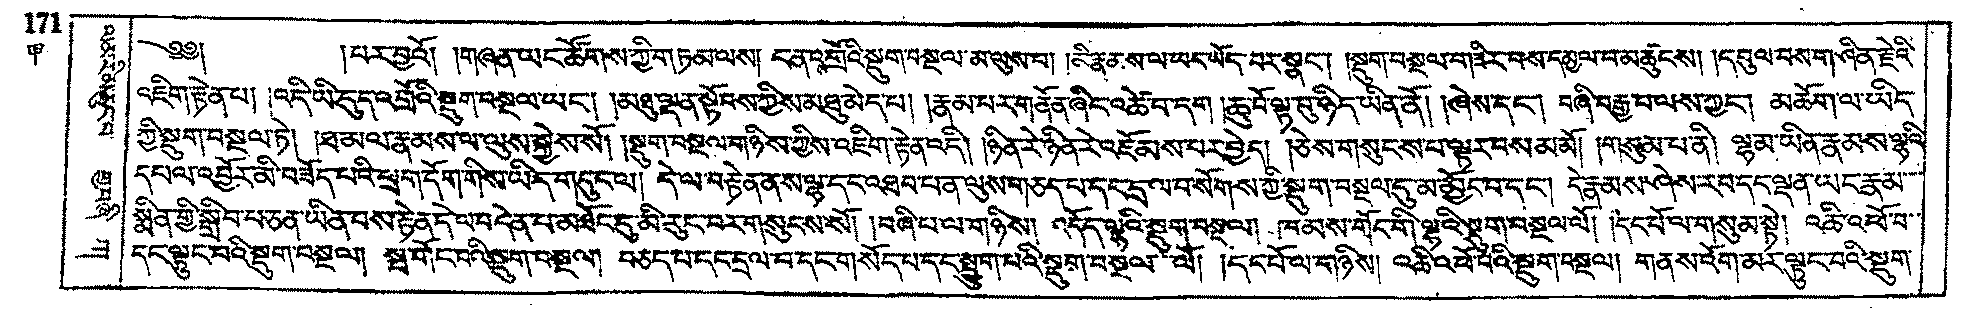༄༅། །པར་བྱའོ། །གཞན་ཡང་ཚོགས་ཀྱི་གཏམ་ལས། ངན་འགྲོའི་སྡུག་བསྔལ་མ་ལུས་པ། །མི་རྣམས་ལ་ཡང་ཡོད་པར་སྣང་། །སྡུག་བསྔལ་གཟིར་བས་དམྱལ་བ་མཚུངས། །དབུལ་བས་གཤིན་རྗེའི་
འཇིག་རྟེན་པ། །འདི་ཡི་དུད་འགྲོའི་སྡུག་བསྔལ་ཡང་། །མཐུ་ལྡན་སྟོབས་ཀྱིས་མཐུ་མེད་པ། །རྣམ་པར་གནོན་ཞིང་འཚེ་བ་དག །ཆུ་བོ་ལྟ་བུ་ཉིད་ཡིན་ནོ། །ཞེས་དང་། བཞི་བརྒྱ་པ་ལས་ཀྱང་། མཆོག་ལ་ཡིད་
ཀྱི་སྡུག་བསྔལ་ཏེ། །ཐ་མལ་རྣམས་ལ་ལུས་སྐྱེས་སོ། །སྡུག་བསྔལ་གཉིས་ཀྱིས་འཇིག་རྟེན་འདི། །ཉིན་རེ་ཉིན་རེ་འཇོམས་པར་བྱེད། །ཅེས་གསུངས་པ་ལྟར་བསམ་མོ། །གསུམ་པ་ནི། ལྷ་མ་ཡིན་རྣམས་ལྷའི་
དཔལ་འབྱོར་མི་བཟོད་པའི་ཕྲག་དོག་གིས་ཡིད་གདུང་ལ། དེ་ལ་བརྟེན་ནས་ལྷ་དང་འཐབ་པ་ན་ལུས་གཅད་པ་དང་དྲལ་བ་སོགས་ཀྱི་སྡུག་བསྔལ་དུ་མ་མྱོང་བ་དང་། དེ་རྣམས་ཤེས་རབ་དང་ལྡན་ཡང་རྣམ་
སྨིན་གྱི་སྒྲིབ་པ་ཅན་ཡིན་པས་རྟེན་དེ་ལ་བདེན་པ་མཐོང་དུ་མི་རུང་བར་གསུངས་སོ། །བཞི་པ་ལ་གཉིས། འདོད་ལྷའི་སྡུག་བསྔལ། ཁམས་གོང་གི་ལྷའི་སྡུག་བསྔལ་ལོ། །དང་པོ་ལ་གསུམ་སྟེ། འཆི་འཕོ་བ་
དང་ལྟུང་བའི་སྡུག་བསྔལ། སྤ་གོང་བའི་སྡུག་བསྔལ། བཅད་པ་དང་དྲལ་བ་དང་གསོད་པ་དང་སྤྱུག་པའི་སྡུག་བསྔལློ། །དང་པོ་ལ་གཉིས། འཆི་འཕོ་བའི་སྡུག་བསྔལ། གནས་འོག་མར་ལྟུང་བའི་སྡུག་